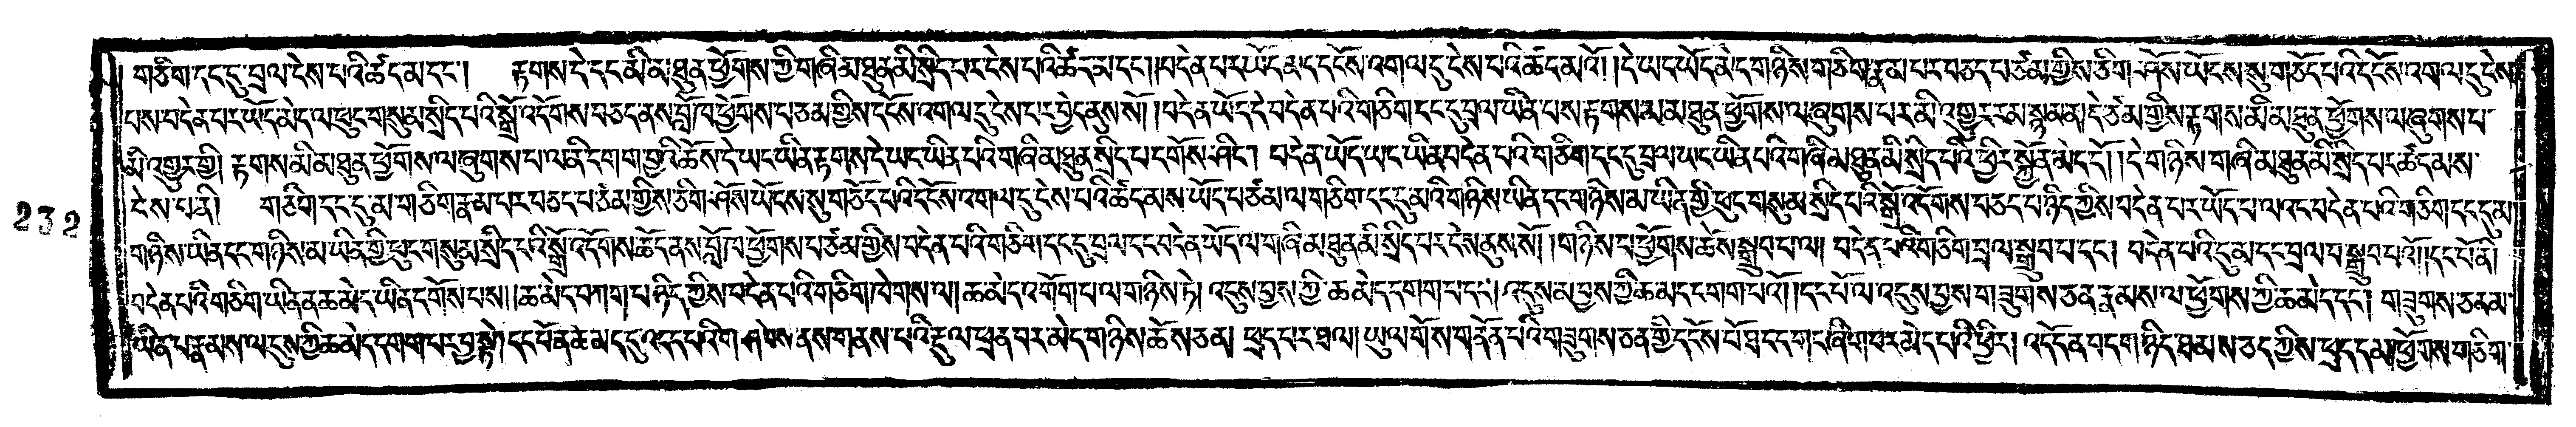གཅིག་དང་དུ་བྲལ་ངེས་པའི་ཚད་མ་དང་། རྟགས་དེ་དང་མི་མཐུན་ཕྱོགས་ཀྱི་གཞི་མཐུན་མི་སྲིད་པར་ངེས་པའི་ཚད་མ་དང་། །བདེན་པར་ཡོད་མེད་དངོས་འགལ་དུ་ངེས་པའི་ཚད་མའོ། །དེ་ཡང་ཡོད་མེད་གཉིས་གཅིག་རྣམ་པར་བཅད་པ་ཙམ་གྱིས་ཅིག་ཤོས་ཡོངས་སུ་གཅོད་པའི་དངོས་འགལ་དུ་ངེས་
པས་བདེན་པར་ཡོད་མེད་ལ་ཕུང་གསུམ་སྲིད་པའི་སྒྲོ་འདོགས་བཅད་ནས་བློ་ཁ་ཕྱོགས་པ་ཅམ་གྱིས་དངོས་འགལ་དུ་ངེས་པར་བྱེད་ནུས་སོ། །བདེན་ཡོད་དེ་བདེན་པའི་གཅིག་དང་དུ་བྲལ་ཡིན་པས་རྟགས་མི་མཐུན་ཕྱོགས་ལ་ཞུགས་པར་མི་འགྱུར་རམ་སྙམ་ན། དེ་ཙམ་གྱིས་རྟགས་མི་མཐུན་ཕྱོགས་ལ་ཞུགས་པ་
མི་འགྱུར་གྱི། རྟགས་མི་མཐུན་ཕྱོགས་ལ་ཞུགས་པ་ལ་ནི་དགག་བྱའི་ཆོས་དེ་ཡང་ཡིན་རྟགས་དེ་ཡང་ཡིན་པའི་གཞི་མཐུན་སྲིད་པ་དགོས་ཤིང་། བདེན་ཡོད་ཡང་ཡིན་བདེན་པའི་གཅིག་དང་དུ་བྲལ་ཡང་ཡིན་པའི་གཞི་མཐུན་མི་སྲིད་པའི་ཕྱིར་སྐྱོན་མེད་དོ། །དེ་གཉིས་གཞི་མཐུན་མི་སྲིད་པར་ཚད་མས་
ངེས་པ་ནི། གཅིག་དང་དུ་མ་གཅིག་རྣམ་པར་བཅད་པ་ཙམ་གྱིས་ཅིག་ཤོས་ཡོངས་སུ་གཅོད་པའི་དངོས་འགལ་དུ་ངེས་པའི་ཚད་མས་ཡོད་པ་ཙམ་ལ་གཅིག་དང་དུ་མའི་གཉིས་ཡིན་དང་གཉིས་མ་ཡིན་གྱི་ཕུང་གསུམ་སྲིད་པའི་སྒྲོ་འདོགས་བཅད་པ་ཉིད་ཀྱིས་བདེན་པར་ཡོད་པ་ལའང་བདེན་པའི་གཅིག་དང་དུ་མ་
གཉིས་ཡིན་དང་གཉིས་མ་ཡིན་གྱི་ཕུང་གསུམ་སྲིད་པའི་སྒྲོ་འདོགས་ཆོད་ནས་བློ་ཁ་ཕྱོགས་པ་ཙམ་གྱིས་བདེན་པའི་གཅིག་དང་དུ་བྲལ་དང་བདེན་ཡོད་ལ་གཞི་མཐུན་མི་སྲིད་པར་ངེས་ནུས་སོ། །གཉིས་པ་ཕྱོགས་ཆོས་སྒྲུབ་པ་ལ། བདེན་པའི་གཅིག་བྲལ་སྒྲུབ་པ་དང་། བདེན་པའི་དུ་མ་དང་བྲལ་བ་སྒྲུབ་པའོ། །དང་པོ་ནི།
བདེན་པའི་གཅིག་ཡིན་ན་ཆ་མེད་ཡིན་དགོས་པས། ཆ་མེད་བཀག་པ་ཉིད་ཀྱིས་བདེན་པའི་གཅིག་ཁེགས་ལ། ཆ་མེད་འགོག་པ་ལ་གཉིས་ཏེ། འདུས་བྱས་ཀྱི་ཆ་མེད་དགག་པ་དང་། འདུས་མ་བྱས་ཀྱི་ཆ་མེད་དགག་པའོ། །དང་པོ་ལ་འདུས་བྱས་གཟུགས་ཅན་རྣམས་ལ་ཕྱོགས་ཀྱི་ཆ་མེད་དང་། གཟུགས་ཅན་མ་
ཡིན་པ་རྣམས་ལ་དུས་ཀྱི་ཆ་མེད་དགག་བར་བྱ་སྟེ། དང་པོ་ན་ཆ་མེད་དུ་འདད་?་པའི་གཤེབས་?་ནས་གནས་པའི་རྡུལ་ཕྲན་བར་མེད་གཉིས་ཆོས་ཅན། ཕྲད་པར་ཐལ། ཡུལ་གོས་གནོན་པའི་གཟུགས་ཅན་གྱི་དངོས་པོ་ཐ་དད་གང་ཞིག་བར་མེད་པའི་ཕྱིར། འདོད་ན་བདག་ཉིད་ཐམས་ཅད་ཀྱིས་ཕྲད་དམ་ཕྱོགས་གཅིག་